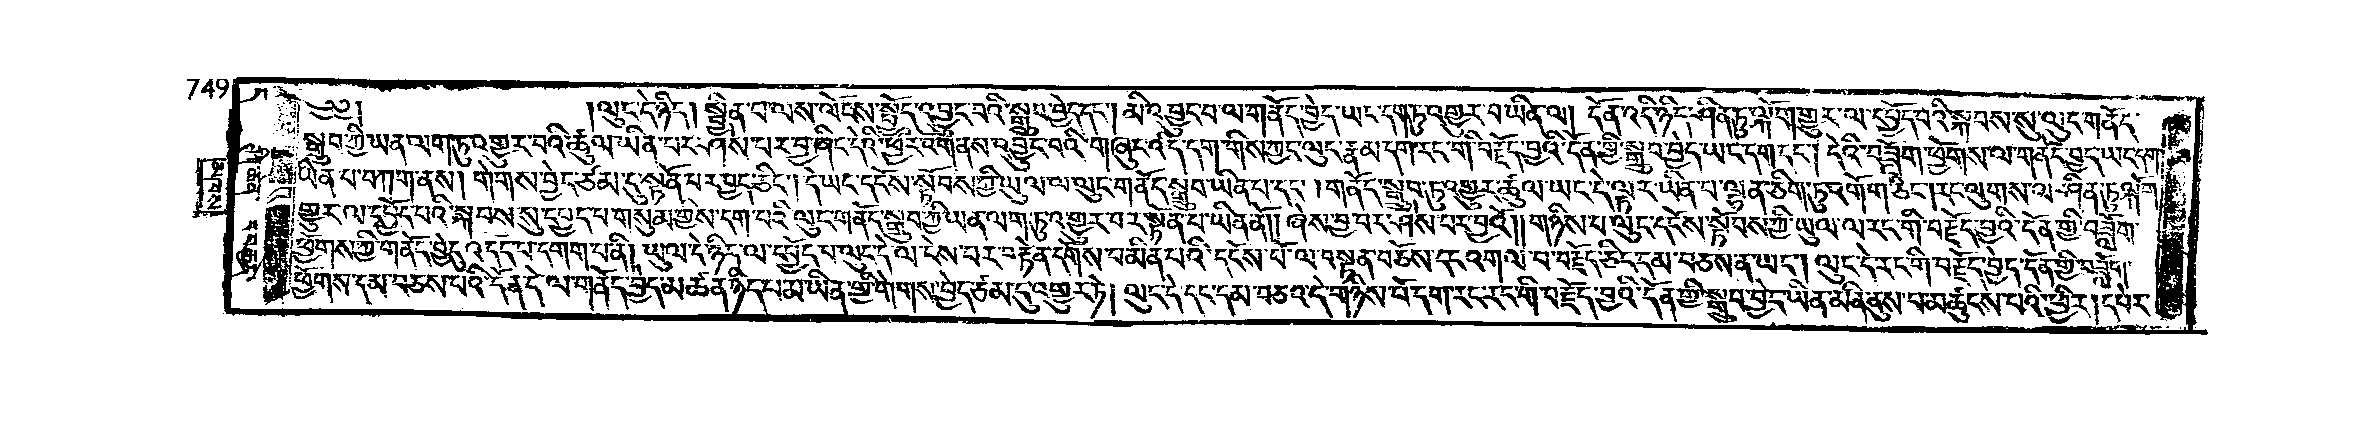༄༅། །ལུང་དེ་ཉིད། སྦྱིན་པ་ལས་ལོངས་སྤྱོད་འབྱུང་བའི་སྒྲུབ་བྱེད་དང་། མི་འབྱུང་བ་ལ་གནོད་བྱེད་ཡང་དག་ཏུ་འགྱུར་བ་ཡིན་ལ། དོན་འདི་ཉིད་ཤིན་ཏུ་ལྐོག་གྱུར་ལ་དཔྱོད་པའི་སྐབས་སུ་ལུང་གནོད་
སྒྲུབ་ཀྱི་ཡན་ལག་ཏུ་འགྱུར་བའི་ཚུལ་ཡིན་པར་ཤེས་པར་བྱ་ཞིང་དེའི་ཕྱིར་གནས་འབྱུང་བའི་གཞུང་འདི་དག་གིས་ཀྱང་ལུང་རྣམ་དག་རང་གི་བརྗོད་བྱའི་དོན་གྱི་སྒྲུབ་བྱེད་ཡང་དག་དང་། དེའི་བཟློག་ཕྱོགས་ལ་གནོད་བྱེད་ཡང་དག་
ཡིན་པ་བཀག་ནས། གེགས་བྱེད་ཙམ་དུ་སྟོན་པར་བྱེད་ཅིང་། དེ་ཡང་དངོས་སྟོབས་ཀྱི་ཡུལ་ལ་ལུང་གནོད་སྒྲུབ་ཡིན་པ་དང་། གནོད་སྒྲུབ་ཏུ་འགྱུར་ཚུལ་ཡང་དེ་ལྟར་ཡིན་པ་ལྷན་ཅིག་ཏུ་འགོག་ཅིང་། རང་ལུགས་ལ་ཤིན་ཏུ་ལྐོག་
གྱུར་ལ་དཔྱོད་པའི་སྐབས་སུ་དཔྱད་པ་གསུམ་གྱིས་དག་པའི་ལུང་གནོད་སྒྲུབ་ཀྱི་ཡན་ལག་ཏུ་འགྱུར་བར་སྟོན་པ་ཡིན་ནོ། །ཞེས་བྱ་བར་ཤེས་པར་བྱའོ། །གཉིས་པ་ལུང་དངོས་སྟོབས་ཀྱི་ཡུལ་ལ་རང་གི་བརྗོད་བྱའི་དོན་གྱི་བཟློག་
ཕྱོགས་ཀྱི་གནོད་བྱེད་དུ་འདོད་པ་དགག་པ་ནི། ཡུལ་དེ་ཉིད་ལ་དཔྱོད་པ་ལུང་དེ་ལ་ངེས་པར་བརྟེན་དགོས་པ་མིན་པའི་དངོས་པོ་ལ་བསྟན་བཅོས་དང་འགལ་བ་བརྗོད་ཅིང་དམ་བཅས་ན་ཡང་། ལུང་དེ་རང་གི་བརྗོད་བྱེད་དོན་གྱི་བཟློག་
ཕྱོགས་དམ་བཅས་པའི་དོན་དེ་ལ་གནོད་བྱེད་མཚན་ཉིད་པ་མ་ཡིན་གྱི་གེགས་བྱེད་ཙམ་དུ་འགྱུར་ཏེ། ལུང་དེ་དང་དམ་བཅའ་དེ་གཉིས་པོ་དག་རང་རང་གི་བརྗོད་བྱའི་དོན་གྱི་སྒྲུབ་བྱེད་ཡིན་མིན་ནུས་པ་མཚུངས་པའི་ཕྱིར། དཔེར་